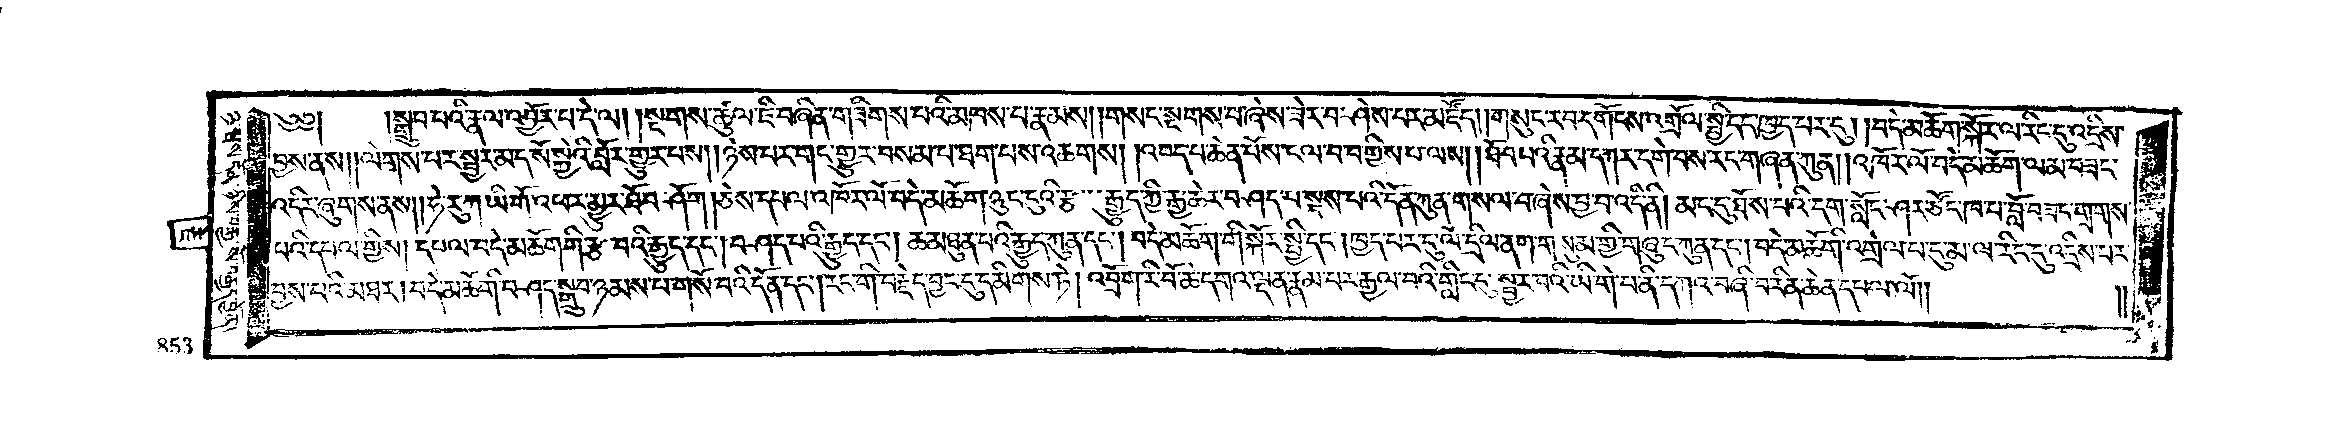༄༅། །སྒྲུབ་པའི་རྣལ་འབྱོར་པ་དེ་ལ། །སྔགས་ཚུལ་ཇི་བཞིན་གཟིགས་པའི་མཁས་པ་རྣམས། །གསང་སྔགས་པ་ཞེས་ཟེར་བ་ཤེས་པར་མཛོད། །གསུང་རབ་དགོངས་འགྲེལ་སྤྱི་དང་ཁྱད་པར་དུ། །བདེ་མཆོག་སྐོར་ལ་རིང་དུ་འདྲིས་
བྱས་ནས། །ལེགས་པར་སྦྱར་མད་སོ་སྐྱེའི་བློར་གྱུར་པས། །ཉེས་པར་གང་གྱུར་བསམ་པ་ཐག་པས་འཆགས། །འབད་པ་ཆེན་པོས་ངལ་བ་བགྱིས་པ་ལས། །ཐོབ་པའི་རྣམ་དཀར་དགེ་བས་རང་གཞན་ཀུན། །འཁོར་ལོ་བདེ་མཆོག་ལམ་བཟང་
འདིར་ཞུགས་ནས། །ཧེ་རུ་ཀ་ཡི་གོ་འཕར་མྱུར་ཐོབ་ཤོག །ཅེས་དཔལ་འཁོར་ལོ་བདེ་མཆོག་ཉུང་ངུའི་རྩ་རྒྱུད་ཀྱི་རྒྱ་ཆེར་བཤད་པ་སྦས་པའི་དོན་ཀུན་གསལ་བ་ཞེས་བྱ་བ་འདི་ནི། མང་དུ་ཐོས་པའི་དག་སློང་ཤར་ཙོང་ཁ་པ་བློ་བཟང་གྲགས་
པའི་དཔལ་གྱིས། དཔལ་བདེ་མཆོག་གི་རྩ་བའི་རྒྱུད་དང་། བཤད་པའི་རྒྱུད་དང་། ཆ་མཐུན་པའི་རྒྱུད་ཀུན་དང་། བདེ་མཆོག་གི་སྐོར་སྤྱི་དང་། ཁྱད་པར་དུ་ལོ་དྲིལ་ནག་གསུམ་གྱི་གཞུང་ཀུན་དང་། བདེ་མཆོག་གི་འགྲེལ་པ་དུ་མ་ལ་རིང་དུ་འདྲིས་པར་
བྱས་པའི་མཐར། བདེ་མཆོག་གི་བཤད་སྒྲུབ་ཉམས་པ་གསོ་བའི་དོན་དང་། རང་གི་བརྗེད་བྱང་དུ་དམིགས་ཏེ། འབྲོག་རི་བོ་ཆེ་དགའ་ལྡན་རྣམ་པར་རྒྱལ་བའི་གླིང་དུ་སྦྱར་བའི་ཡི་གེ་པ་ནི་དཀའ་བཞི་བ་རིན་ཆེན་དཔལ་ལོ།། །།